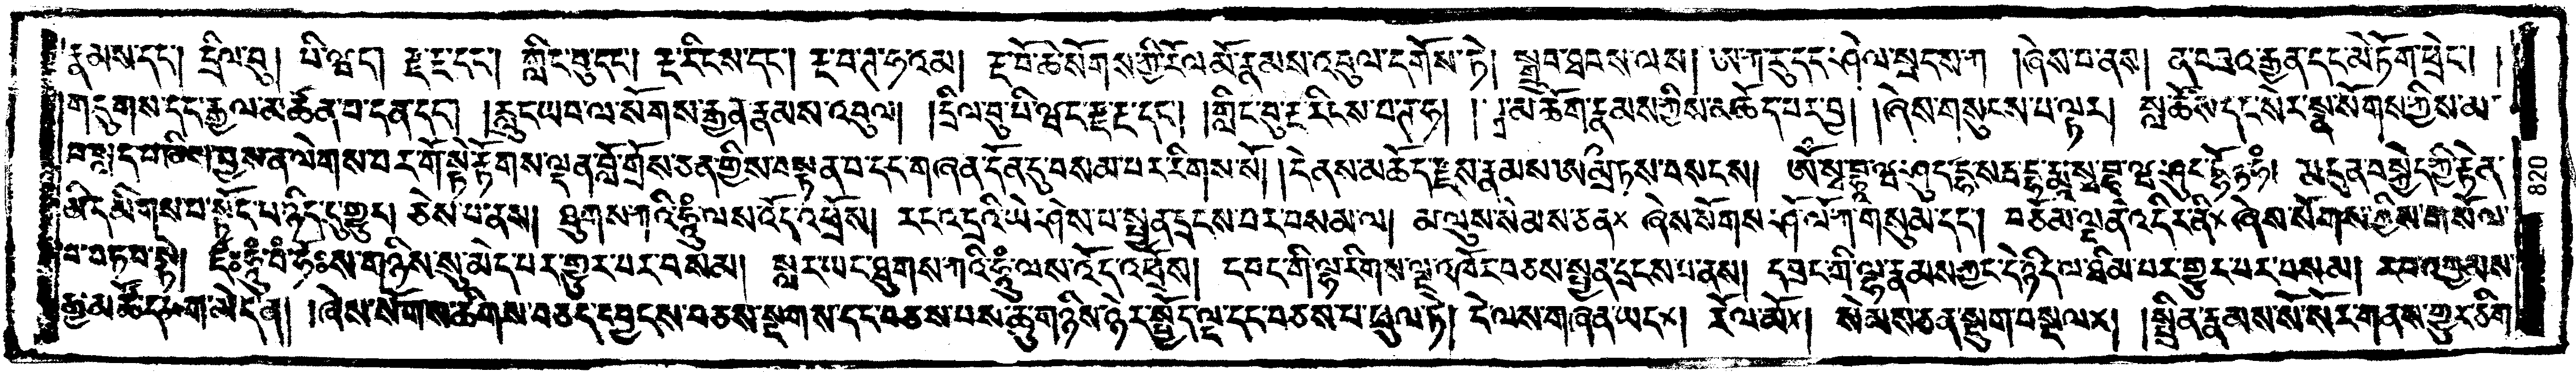རྣམས་དང་། དྲིལ་བུ། པི་ཝ་དང་། རྫ་རྔ་དང་། གླིང་བུ་དང་། རྔ་རིངས་དང་། རྔ་པ་ཊ་ཧ་འམ། རྔ་བོ་ཆ་སོགས་ཀྱི་རིལ་མོ་རྣམས་འབུལ་དགོས་ཏེ། སྒྲུབ་ཐབས་ལས། ཨ་ཀ་རུ་དང་ཤེལ་སྤངས་ཀ །ཞེས་པ་ནས། ན་བཟའ་རྒྱན་དང་མེ་ཏོག་ཕྲེང་།
གདུགས་དང་རྒྱལ་མཚན་པ་དན་དང་། །རླུང་ཡབ་ལ་སོགས་རྒྱན་རྣམས་འབུལ། །དྲིལ་བུ་པི་ཝང་རྫ་རྔ་དང་། །གླིང་བུ་རིངས་པ་ཊ་ཧ། །སྒྲ་མཆོག་རྣམས་ཀྱིས་མཆོད་པར་བྱ། །ཞེས་གསུངས་པ་ལྟར། སླ་ཆོས་དང་སེར་སྣ་སོགས་ཀྱིས་མ་
བསླད་པ་ཞིག་བྱས་ན་ལེགས་པར་གོ་སྟེ་རྟོགས་ལྡན་བློ་གྲོས་ཅན་གྱིས་བསྟན་པ་དང་གཞན་དོན་དུ་བསམ་པར་རིགས་སོ། །དེ་ནས་མཆོད་རྫས་རྣམས་ཨ་མྲྀ་ཏས་བསངས། ཨོཾ་སྭ་བྷཱ་ཝ་ཤུད་དྷ་སརྦ་དྷ་རྨཱ་སྭ་བྷ་ཝ་ཤུད་དྷོ་ཉ་ཧཾ། མདུན་བསྐྱེད་ཀྱི་རྟེན་
མི་དམིགས་པ་སྟོང་པ་ཉིད་དུ་གྱུར། ཅེས་པ་ནས། ཐུགས་ཀའི་ཧཱུཾ་ལས་འོད་འཕྲོས། རང་འདྲའི་ཡེ་ཤེས་པ་སྤྱན་དྲངས་པར་བསམ་ལ། མ་ལུས་སེམས་ཅན་྾་ཞེས་སོགས་ཤོ་ལོ་ཀ་གསུམ་དང་། བཅོམ་ལྡན་འདིར་ནི་྾་ཞེས་སོགས་ཀྱིས་གསོལ་
བ་བཏབ་སྟེ། ཛཿ ཧཱུཾ་བཾ་ཧོཿ ས་གཉིས་སུ་མེད་པར་གྱུར་པར་བསམ། སླར་ཡང་ཐུགས་ཀའི་ཧཱུཾ་ལས་འོད་འཕྲོས། དབང་གི་ལྷ་རིགས་ལྔ་འཁོར་བཅས་སྤྱན་དྲངས་པ་ནས། དབང་གི་ལྷ་རྣམས་ཀྱང་དེ་ཉིད་ལ་ཐིམ་པར་གྱུར་པར་བསམ། རབ་འབྱམས་
རྒྱ་མཚོ་དཔག་མེད་ན། །ཞེས་སོགས་ཚིགས་བཅད་བྱངས་བཅས་སྔགས་དང་བཅས་པས་ཆུ་གཉིས་ཉེར་སྤྱོད་ལྔ་དང་བཅས་པ་ཕུལ་ཏེ། དེ་ལས་གཞན་ཡང་྾། རོལ་མོ་྾། སེམས་ཅན་སྡུག་བསྔལ་྾། །སྤྲིན་རྣམས་སོ་སོར་གནས་གྱུར་ཅི་